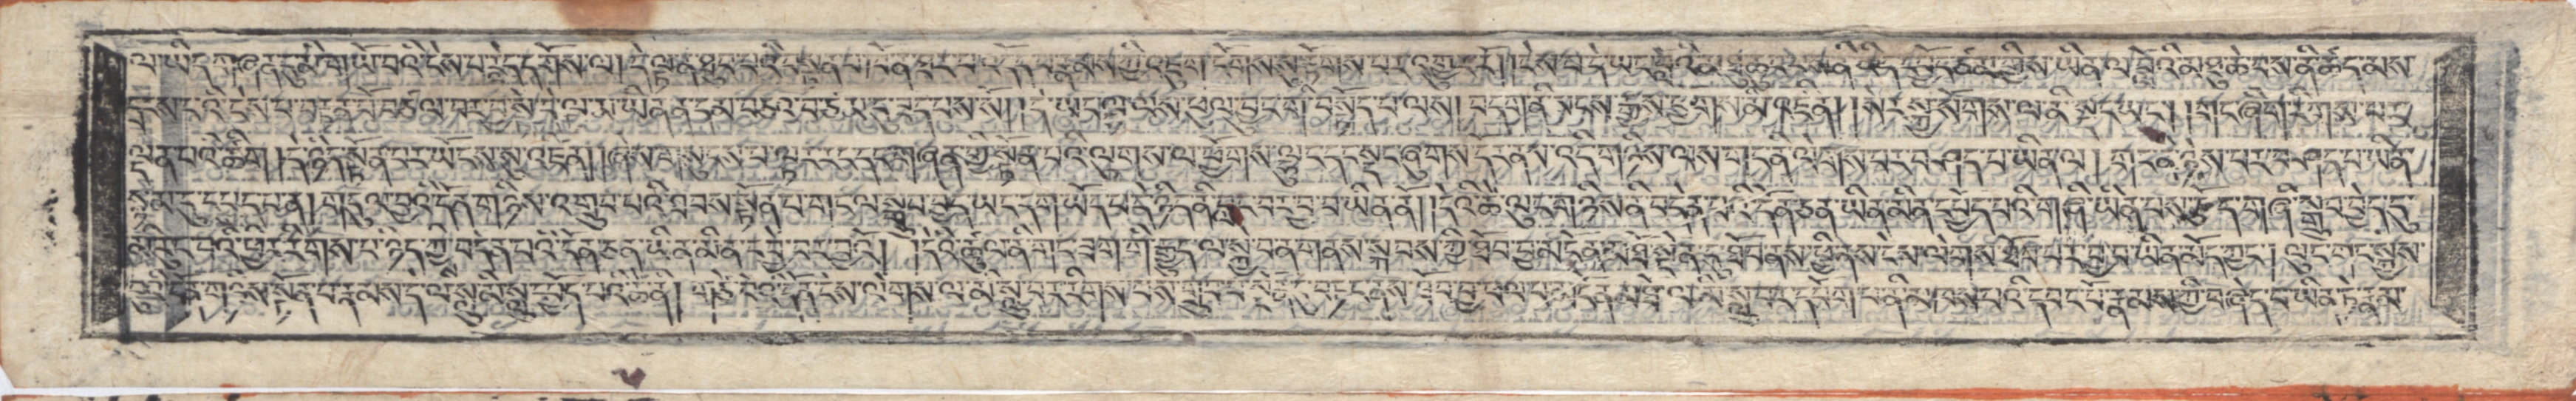ལ་ཡིད་གཞན་དུ་མི་གཡོ་བའི་ངེས་པ་རྙེད་དགོས་ལ། དེ་ལྟ་ན་ཐུབ་པའི་བསྟན་པ་ཁོ་ན་ཐར་པ་འདོད་པ་རྣམས་ཀྱི་འཇུག་ངོགས་སུ་རྟོགས་པར་འགྱུར་རོ། །ངེས་པ་དེ་ཡང་བློའི་མཐུ་ཆུང་བས་ནི་ཡིད་དཔྱོད་ཙམ་གྱིས་ཡིན་ལ་བློའི་མཐུ་ཆེ་བས་ནི་ཚད་མས་
དྲངས་པའི་ངེས་པ་བརྟན་པོ་བཙལ་བར་བྱ་སྟེ་དེ་ལྟ་མ་ཡིན་ན་དམ་བཅའ་བ་ཙམ་དུ་ཟད་པས་སོ། །དེ་ཡང་ལྷ་ལས་ཕུལ་བྱུང་གི་བསྟོད་པ་ལས། བདག་ནི་སངས་རྒྱས་ཕྱོགས་མི་འཛིན། །སེར་སྐྱ་སོགས་ལ་མི་སྡང་ཡང་། །གང་ཞིག་རིགས་པར་
ལྡན་པའི་ཚིག །དེ་ཉིད་སྟོན་པར་ཡོངས་སུ་འཛིན། །ཞེས་གསུངས་པ་ལྟར་རང་དང་གཞན་གྱི་སྟོན་པའི་ལུགས་ལ་ཕྱོགས་ལྷུང་དང་སྡང་ཞུགས་དོར་ནས་འདི་གཉིས་ལས་གང་ནི་ལེགས་པར་བཤད་པ་ཡིན་ལ། གང་ནི་ཉེས་པར་བཤད་པ་ཡིན་
སྙམ་དུ་དཔྱད་པ་ན། གདུལ་བྱའི་དོན་གཉིས་འགྲུབ་པའི་ཐབས་སྟོན་པ་གང་ལ་སྒྲུབ་བྱེད་ཡང་དག་ཡོད་པ་དེ་ཉིད་ནི་བླང་བར་བྱ་བ་ཡིན་ནོ། །དེའི་ཚེ་ལུང་གཉིས་ནི་བདེན་པའི་དོན་ཅན་ཡིན་མིན་དཔྱོད་པའི་གཞི་ཡིན་པས་རྩོད་གཞི་སྒྲུབ་བྱེད་དུ་
མི་རུང་བའི་ཕྱིར་རིགས་པ་ཉིད་ཀྱིས་བདེན་པའི་དོན་ཅན་ཡིན་མིན་དབྱེ་བར་བྱའོ། །དེའི་ཚུལ་ནི་གང་ཟག་གི་རྒྱུད་ལ་སྐྱེ་བ་ན་གནས་སྐབས་ཀྱི་ཐོབ་བྱ་མངོན་མཐོ་སྔོན་དུ་ཐོབ་ནས་ཕྱི་ནས་ངེས་ལེགས་ཐོབ་པར་བྱ་བ་ཡིན་མོད་ཀྱང་། ལུང་གང་སྐྱེས་
བུའི་དོན་གཉིས་སྟོན་པ་རྣམས་དེ་ལ་སླུ་མི་སླུ་དཔྱོད་པའི་ཚེ་ནི། གཙོ་བོའི་དོན་ངེས་ལེགས་ལ་མི་སླུ་བར་རིགས་པས་གྲུབ་པ་སྔོན་དུ་བཏང་ནས་ཐོབ་བྱ་ཕལ་པ་མངོན་མཐོ་ལ་མི་སླུ་བར་དཔོག་པ་ནི་མཁས་པའི་དབང་པོ་རྣམས་ཀྱི་བཞེད་པ་ཡིན་ཏེ་རྣམ་